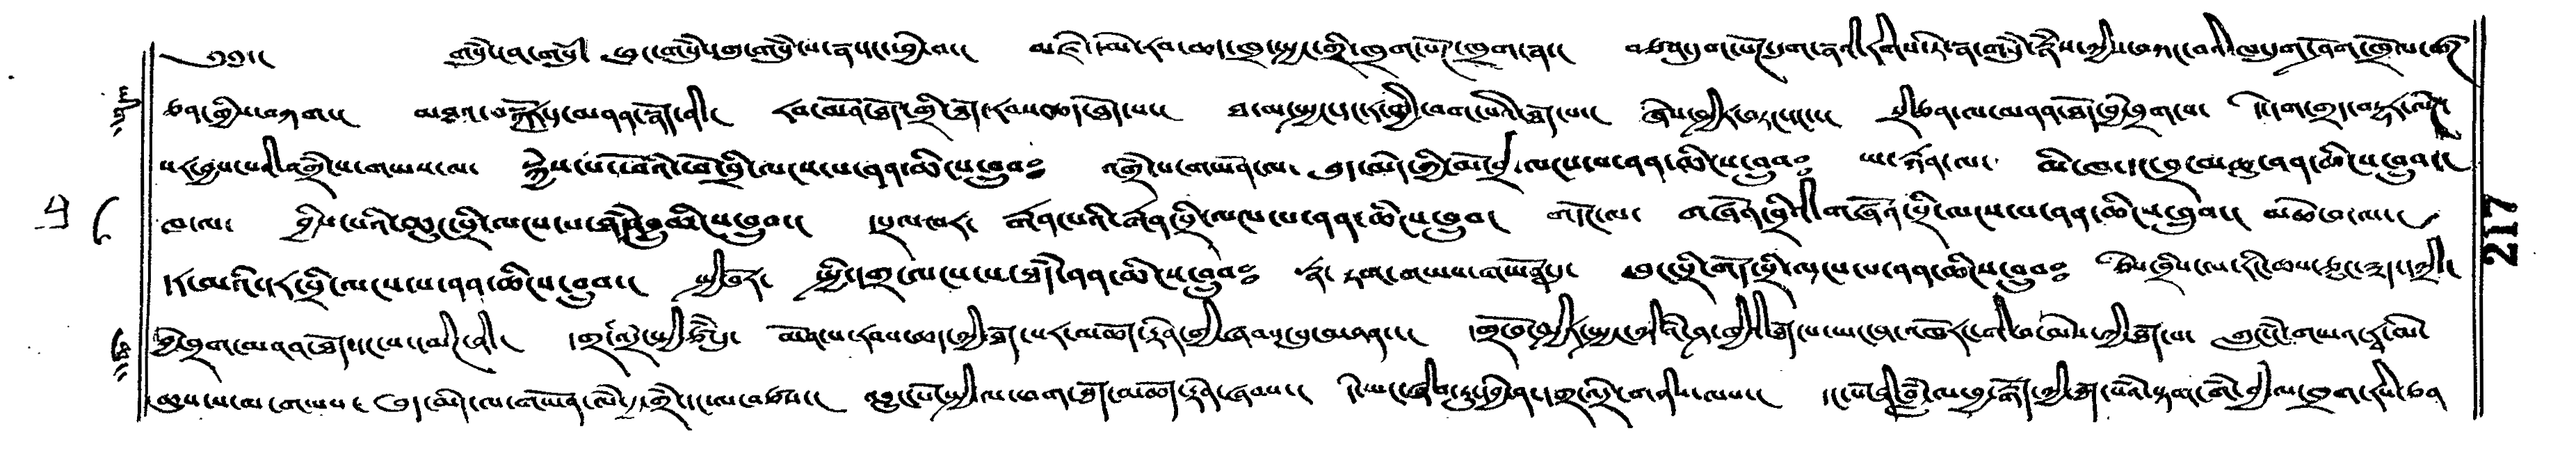གསུམ་ངན་གསུམ། ཕུང་གསུམ་དགུ་གསུམ་ས་སྣ་དང་ཕྱེ་མ། མཛེ་དམ་རབས་ཆད་ཁྲ་སྤྱང་གྲི་ཁྲག་སོགས་ཁྲག་སྣ། བཙན་དུག་སོགས་དུག་སྣའི་རིགས་ཏེ་སྣ་གསུམ་རྣམས་ཀྱིས་བཀང་བའི་ཁ་དུག་ཤོག་ཁྲོལ་ཚགས་
ཅན་གྱིས་བཀག མཐའ་བསྐོར་དུ་མནན་སྣོད་ནི། རབ་མནོལ་ཐོད་གྲི་ཐོད་རབས་ཆད་ཀྱི་ཐོད་པ། ཐ་མ་སྤྱང་དང་ར་ཁྱི་ཕག་པའི་ཐོད་པ། ཞེས་སྤྱིར་བཏང་དང་། སྲི་ཅན་ལ་མནན་ཐོད་བྱེ་བྲག་པ། དེ་དག་གྲད་བརྡར་ལེགས་
པར་བྱས་པའི་འགྲམ་པ་གཡས་ལ། སྐྱེས་པ་ཕོའི་ཕོ་སྲི་ལངས་པ་ནན་ཆིངས་བྲུབ༔ འགྲམ་པ་གཡོན་ལ། བུད་མེད་ཀྱི་མོ་སྲི་ལངས་པ་ནན་ཆིངས་བྲུབ༔ ཡ་རྐན་ལ། མི་ཁ་དང་བྲ་མཆུ་ནན་ཆིངས་བྲུབ༔ 
ཁ་ལ། བྱིས་པའི་ཆུང་སྲི་ལངས་པ་ཐམས་ཅད་ནན་ཆིངས་བྲུབ༔ དཔྲལ་བར། རྒན་པའི་རྒན་སྲི་ལངས་པ་ནན་ཆིངས་བྲུབ༔ གདོང་ལ། གཞོན་སྲིའི་གཞོན་སྲི་ལངས་པ་ནན་ཆིངས་བྲུབ༔ མཆེ་བ་ལ། 
དར་མའི་དར་སྲི་ལངས་པ་ནན་ཆིངས་བྲུབ༔ སྤྱི་བོར། སྤྱི་དགྲ་ལངས་པ་ཐམས་ཅད་ནན་ཆིངས་བྲུབ༔ རྣ་ལྟག་གཡས་གཡོན་དུ། ཕུང་སྲི་གོད་སྲི་ལངས་པ་ནན་ཆིངས་བྲུབ༔ ཅེས་བྲིས་ལ་རིང་ཆས་ཅུང་ཟད་དཀྲིས། 
བྱེ་བྲག་མནན་ཐོད་དང་ས་དམིགས་ནི། དགྲ་འདྲེ་སྤྱི་ཙམ་དུ། མོན་པ་རབས་ཆད་ཀྱི་ཐོད་པར་མཆོད་རྟེན་གྱི་ཞབས་སུ་མནན། དགྲ་བོ་སྤྱིར་སྤྱང་ཀི་འམ་ཤ་ཁྱིའི་ཐོད་པ། ཡང་ན་འཁོར་གྱི་ཕ་མེས་ཀྱི་ཐོད་པ། གླང་ངམ་གཡག་རྭ་མེ་
ཆུས་གང་པ་སྐྱེས་པ་ལ་གཡས། བུད་མེད་ལ་གཡོན་ལམ་རྒྱ་གྲམ་དང་ལ་བཙས། འབྱུང་པོ་སྤྱི་ལ་ཕག་ཐོད་མཆོད་རྟེན་ཞབས། དེ་ཡང་ཞིབ་ཏུ་དབྱེ་ན་དགྲ་འདྲེ་གཉིས་ལ། དང་པོ་ནི་བླ་མ་ལ་བྱ་རྒོད་ཀྱི་ཐོད་པའམ་སྟག་གམ་བྱི་ལ་ཁྲག་རིས་ཅན་